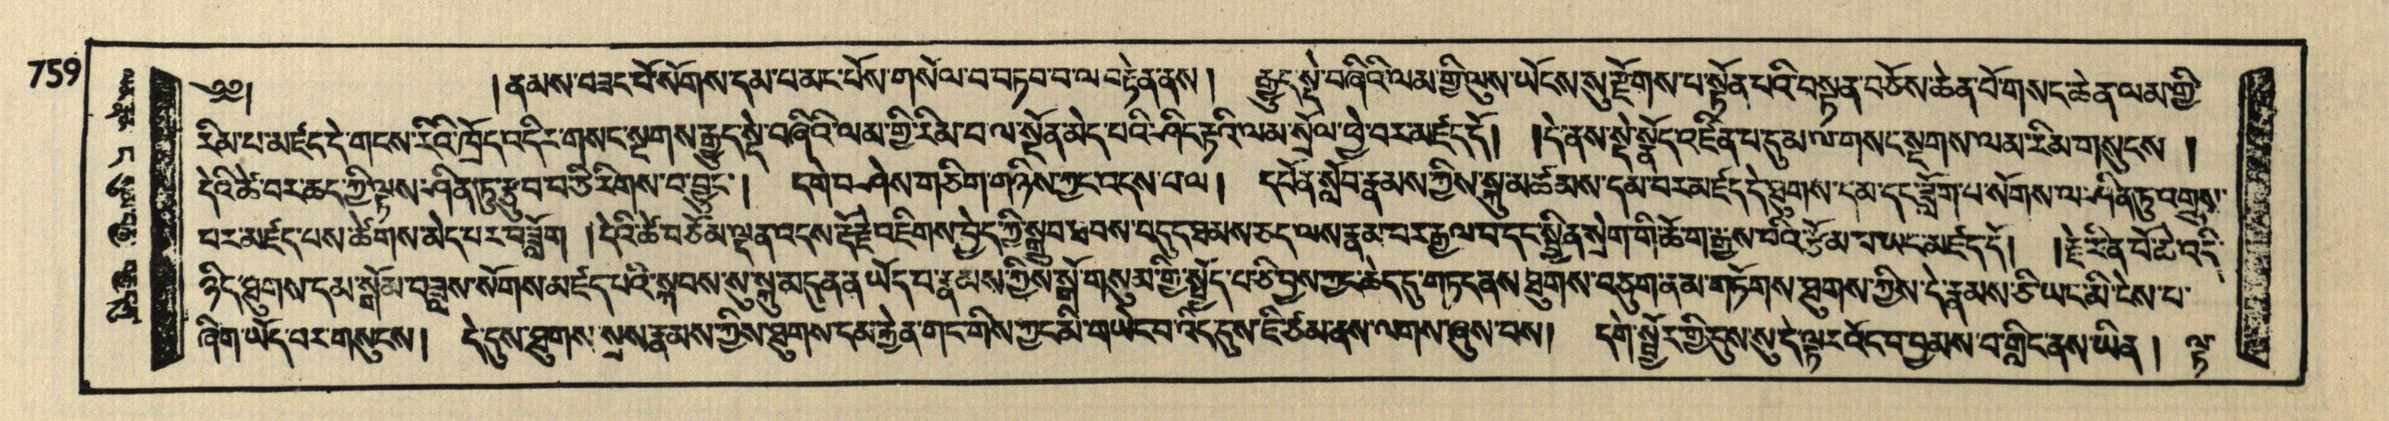༄༅། །ནམས་བཟང་པོ་སོགས་དམ་པ་མང་པོས་གསོལ་བ་བཏབ་བ་ལ་བརྟེན་ནས། རྒྱུད་སྡེ་བཞིའི་ལམ་གྱི་ལུས་ཡོངས་སུ་རྫོགས་པ་སྟོན་པའི་བསྟན་བཅོས་ཆེན་བོ་གསང་ཆེན་ལམ་གྱི་
རིམ་པ་མཛད་དེ་གངས་རིའི་ཁྲོད་འདིར་གསང་སྔགས་རྒྱུད་སྡེ་བཞིའི་ལམ་གྱི་རིམ་བ་ལ་སྔོན་མེད་པའི་ཤིང་རྟའི་ལམ་སྲོལ་ཕྱེ་བར་མཛད་དོ། །དེ་ནས་སྡེ་སྣོད་འཛིན་པ་དུ་མ་ལ་གསང་སྔགས་ལམ་རིམ་གསུངས།
དེའི་ཚེ་བར་ཆད་ཀྱི་ལྟས་ཤིན་ཏུ་རྩུབ་བ་ཅི་རིགས་བ་བྱུང་། དགེ་བཤེས་གཅིག་གཉིས་ཀྱང་འདས་པ་ལ། དཔོན་སློབ་རྣམས་ཀྱིས་སྐུ་མཚམས་དམ་བར་མཛད་དེ་ཐུགས་དམ་དང་ཟློག་པ་སོགས་ལ་ཤིན་ཏུ་འགྲུས་
པར་མཛད་པས་ཚེགས་མེད་པར་བཟློག །དེའི་ཚེ་བཅོམ་ལྡན་འདས་རྡོ་རྗེ་འཇིགས་བྱེད་ཀྱི་སྒྲུབ་ཐབས་བདུད་ཐམས་ཅད་ལས་རྣམ་བར་རྒྱལ་བ་དང་སྦྱིན་སྲེག་གི་ཆོ་ག་རྒྱས་བའི་རྩོམ་པ་ཡང་མཛད་དོ། །རྗེ་རིན་པོ་ཆེ་འདི་
ཉིད་ཐུགས་དམ་སྒོམ་བཟླས་སོགས་མཛད་པའི་སྐབས་སུ་སྐུ་མདུན་ན་ཡོད་བ་རྣམས་ཀྱིས་སྒོ་གསུམ་གྱི་སྤྱོད་པ་ཅི་བྱས་ཀྱང་ཆེད་དུ་གཏང་ནས་ཐུགས་བཅུག་ན་མ་གཏོགས་ཐུགས་ཀྱིས་དེ་རྣམས་ཅི་ཡང་མི་ངེས་པ་
ཞིག་ཡོད་བར་གསུངས། དེ་དུས་ཐུགས་སྲས་རྣམས་ཀྱིས་ཐུགས་དམ་རྐྱེན་གང་གིས་ཀྱང་མི་གཡེང་བ་འདི་དུས་ཇི་ཙམ་ནས་ལགས་ཞུས་བས། དགེ་སྦྱོར་གྱི་དུས་སུ་དེ་ལྟར་འོང་བ་བྱམས་བ་གླིང་ནས་ཡིན། ལྟ་